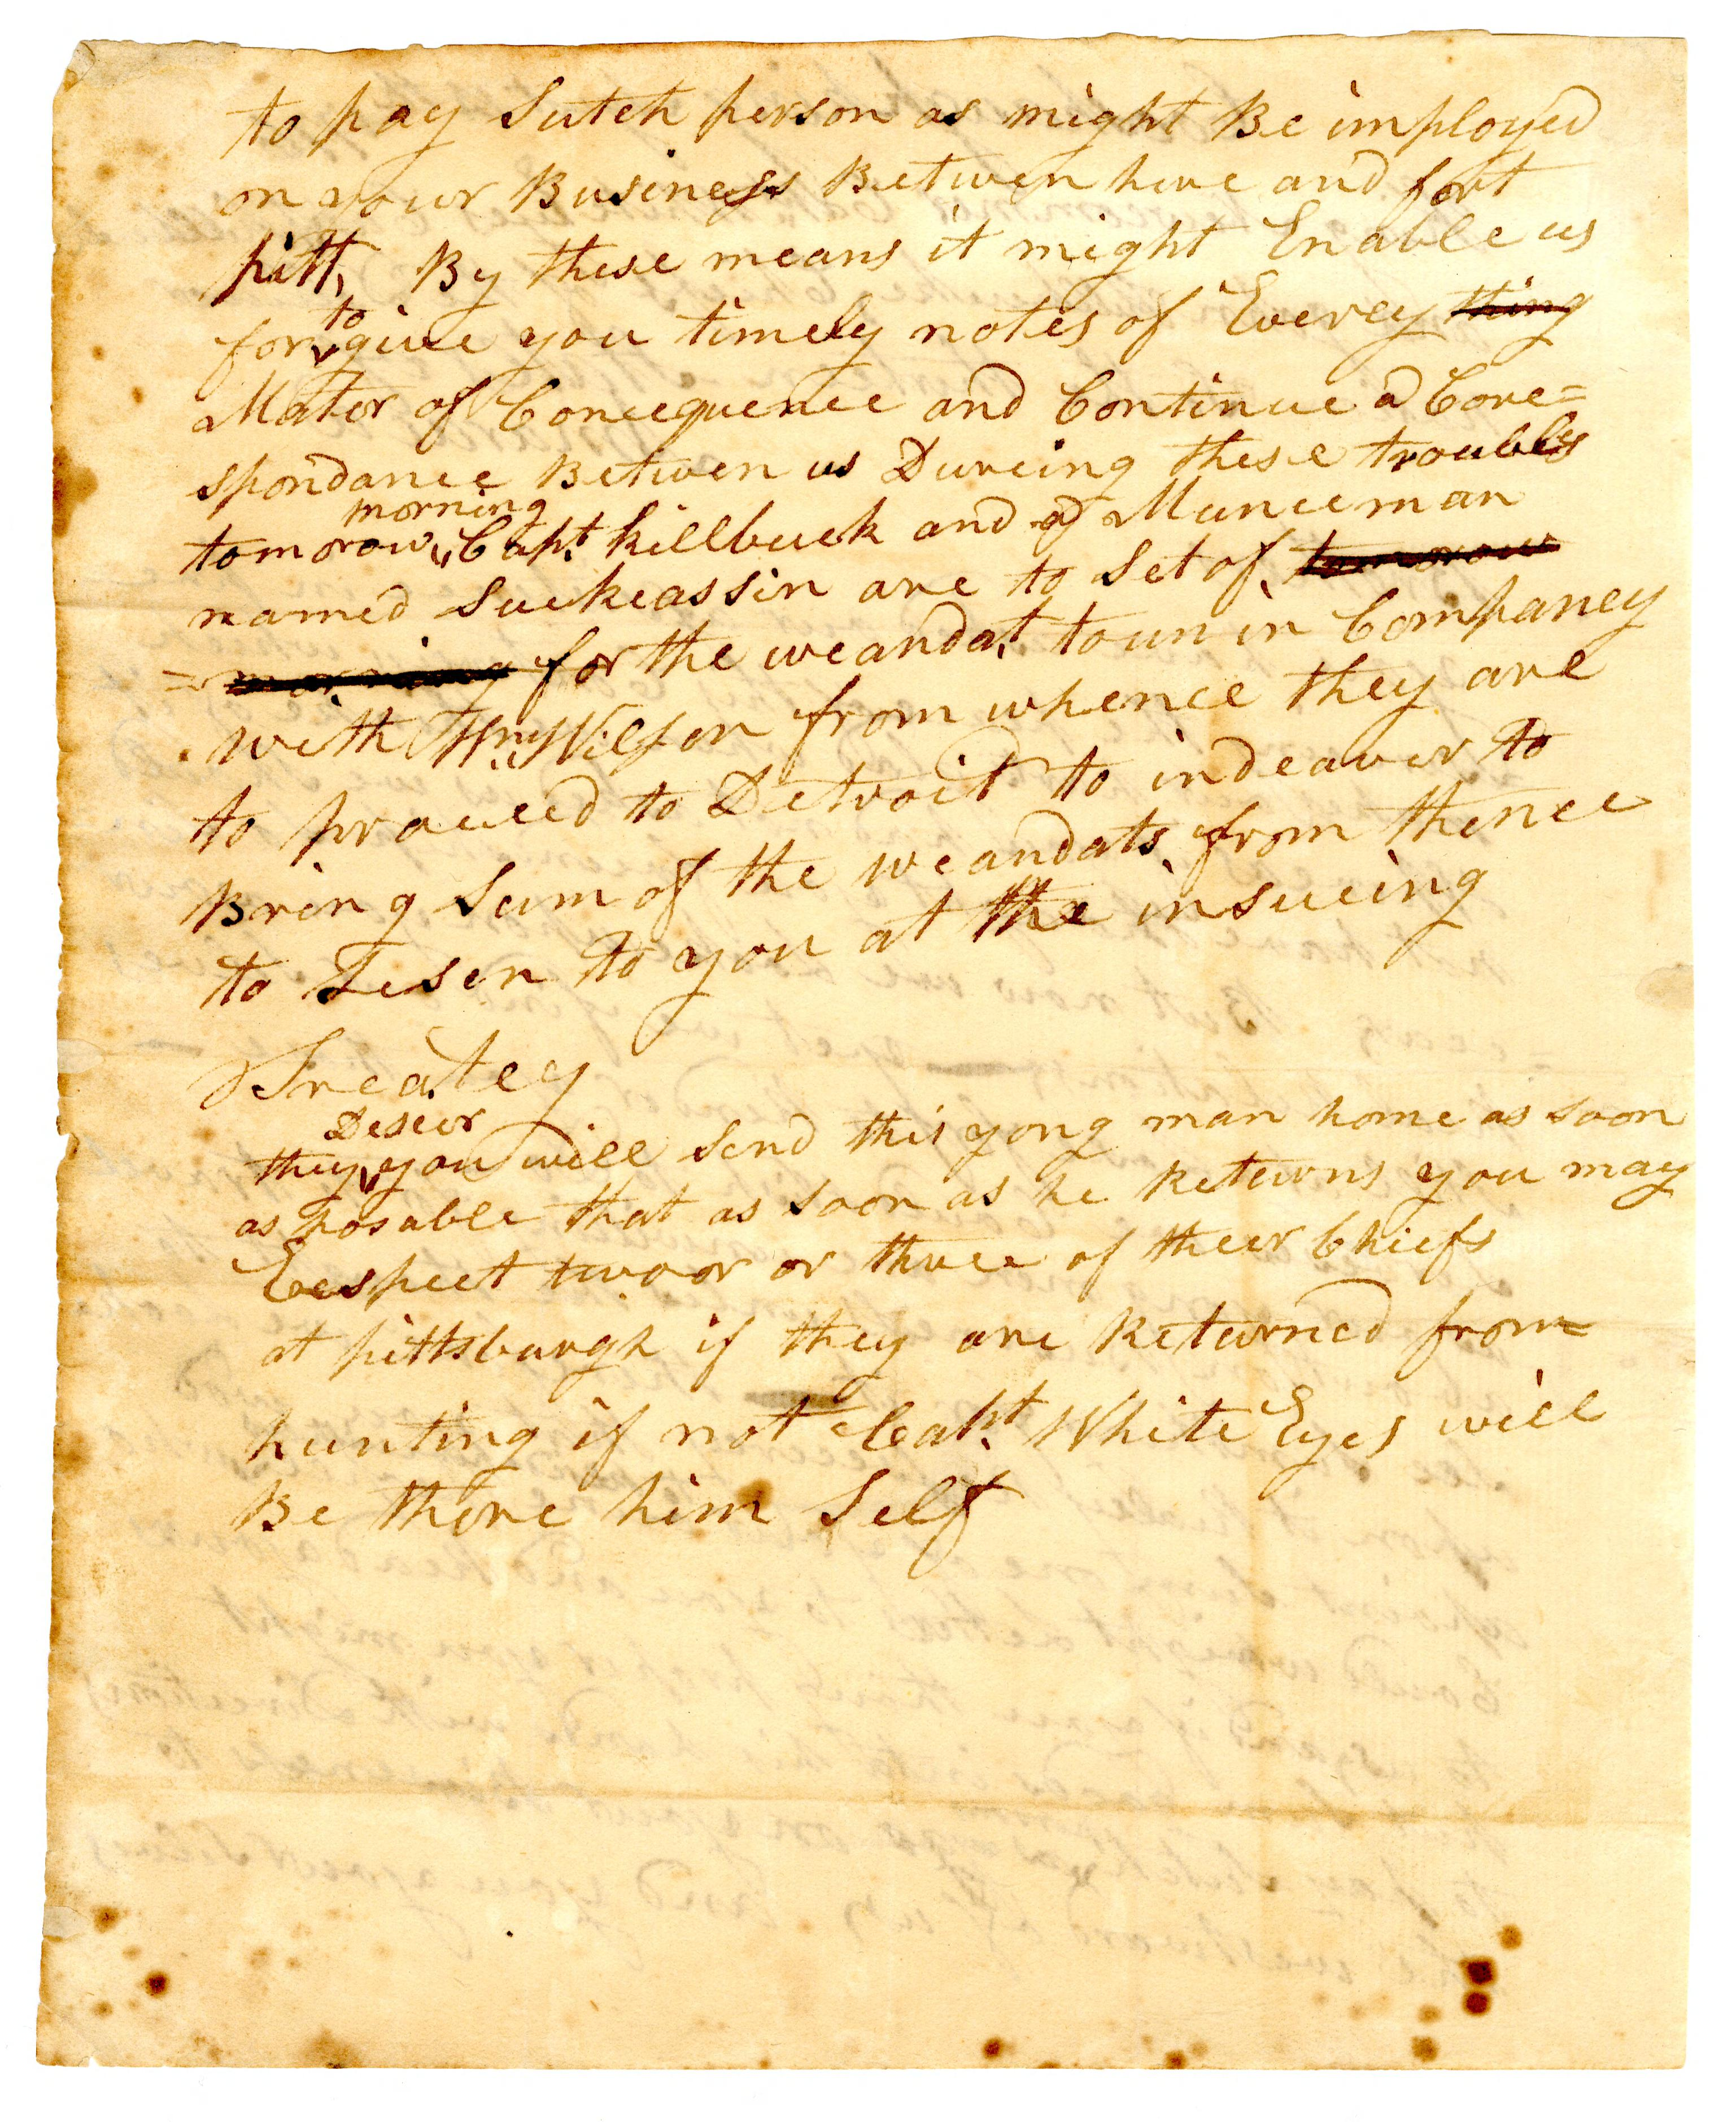to pay Sutch person as might Be imployed
on your Business Betwen here and fort
pitt. By these means it might Enable us
to
for ^ give you timely notes of Everey [thing]
Matter of Concequence and Continue a Core-
-spondance Betwen us During these troubles
morning
tomorow, Cap^t Killbuck and a Munce man
named Suckeassin are to set of [tomorrow]
[morning] for the weandat toun in Companey
with W^m Wilson from whence they are
to proceed to Detroit to indeaver to
Bring Sum of the weandats from thence
to Lisen to you at the insueing
Treatey
Desire
they ^ you will Send this yong man home as soon
as posable that as soon as he Returns you may
Ecspect two or or three of their Chiefs
at pittsburgh if they are Returned from
hunting if not Cap^t. White Eyes will
Be there him Self